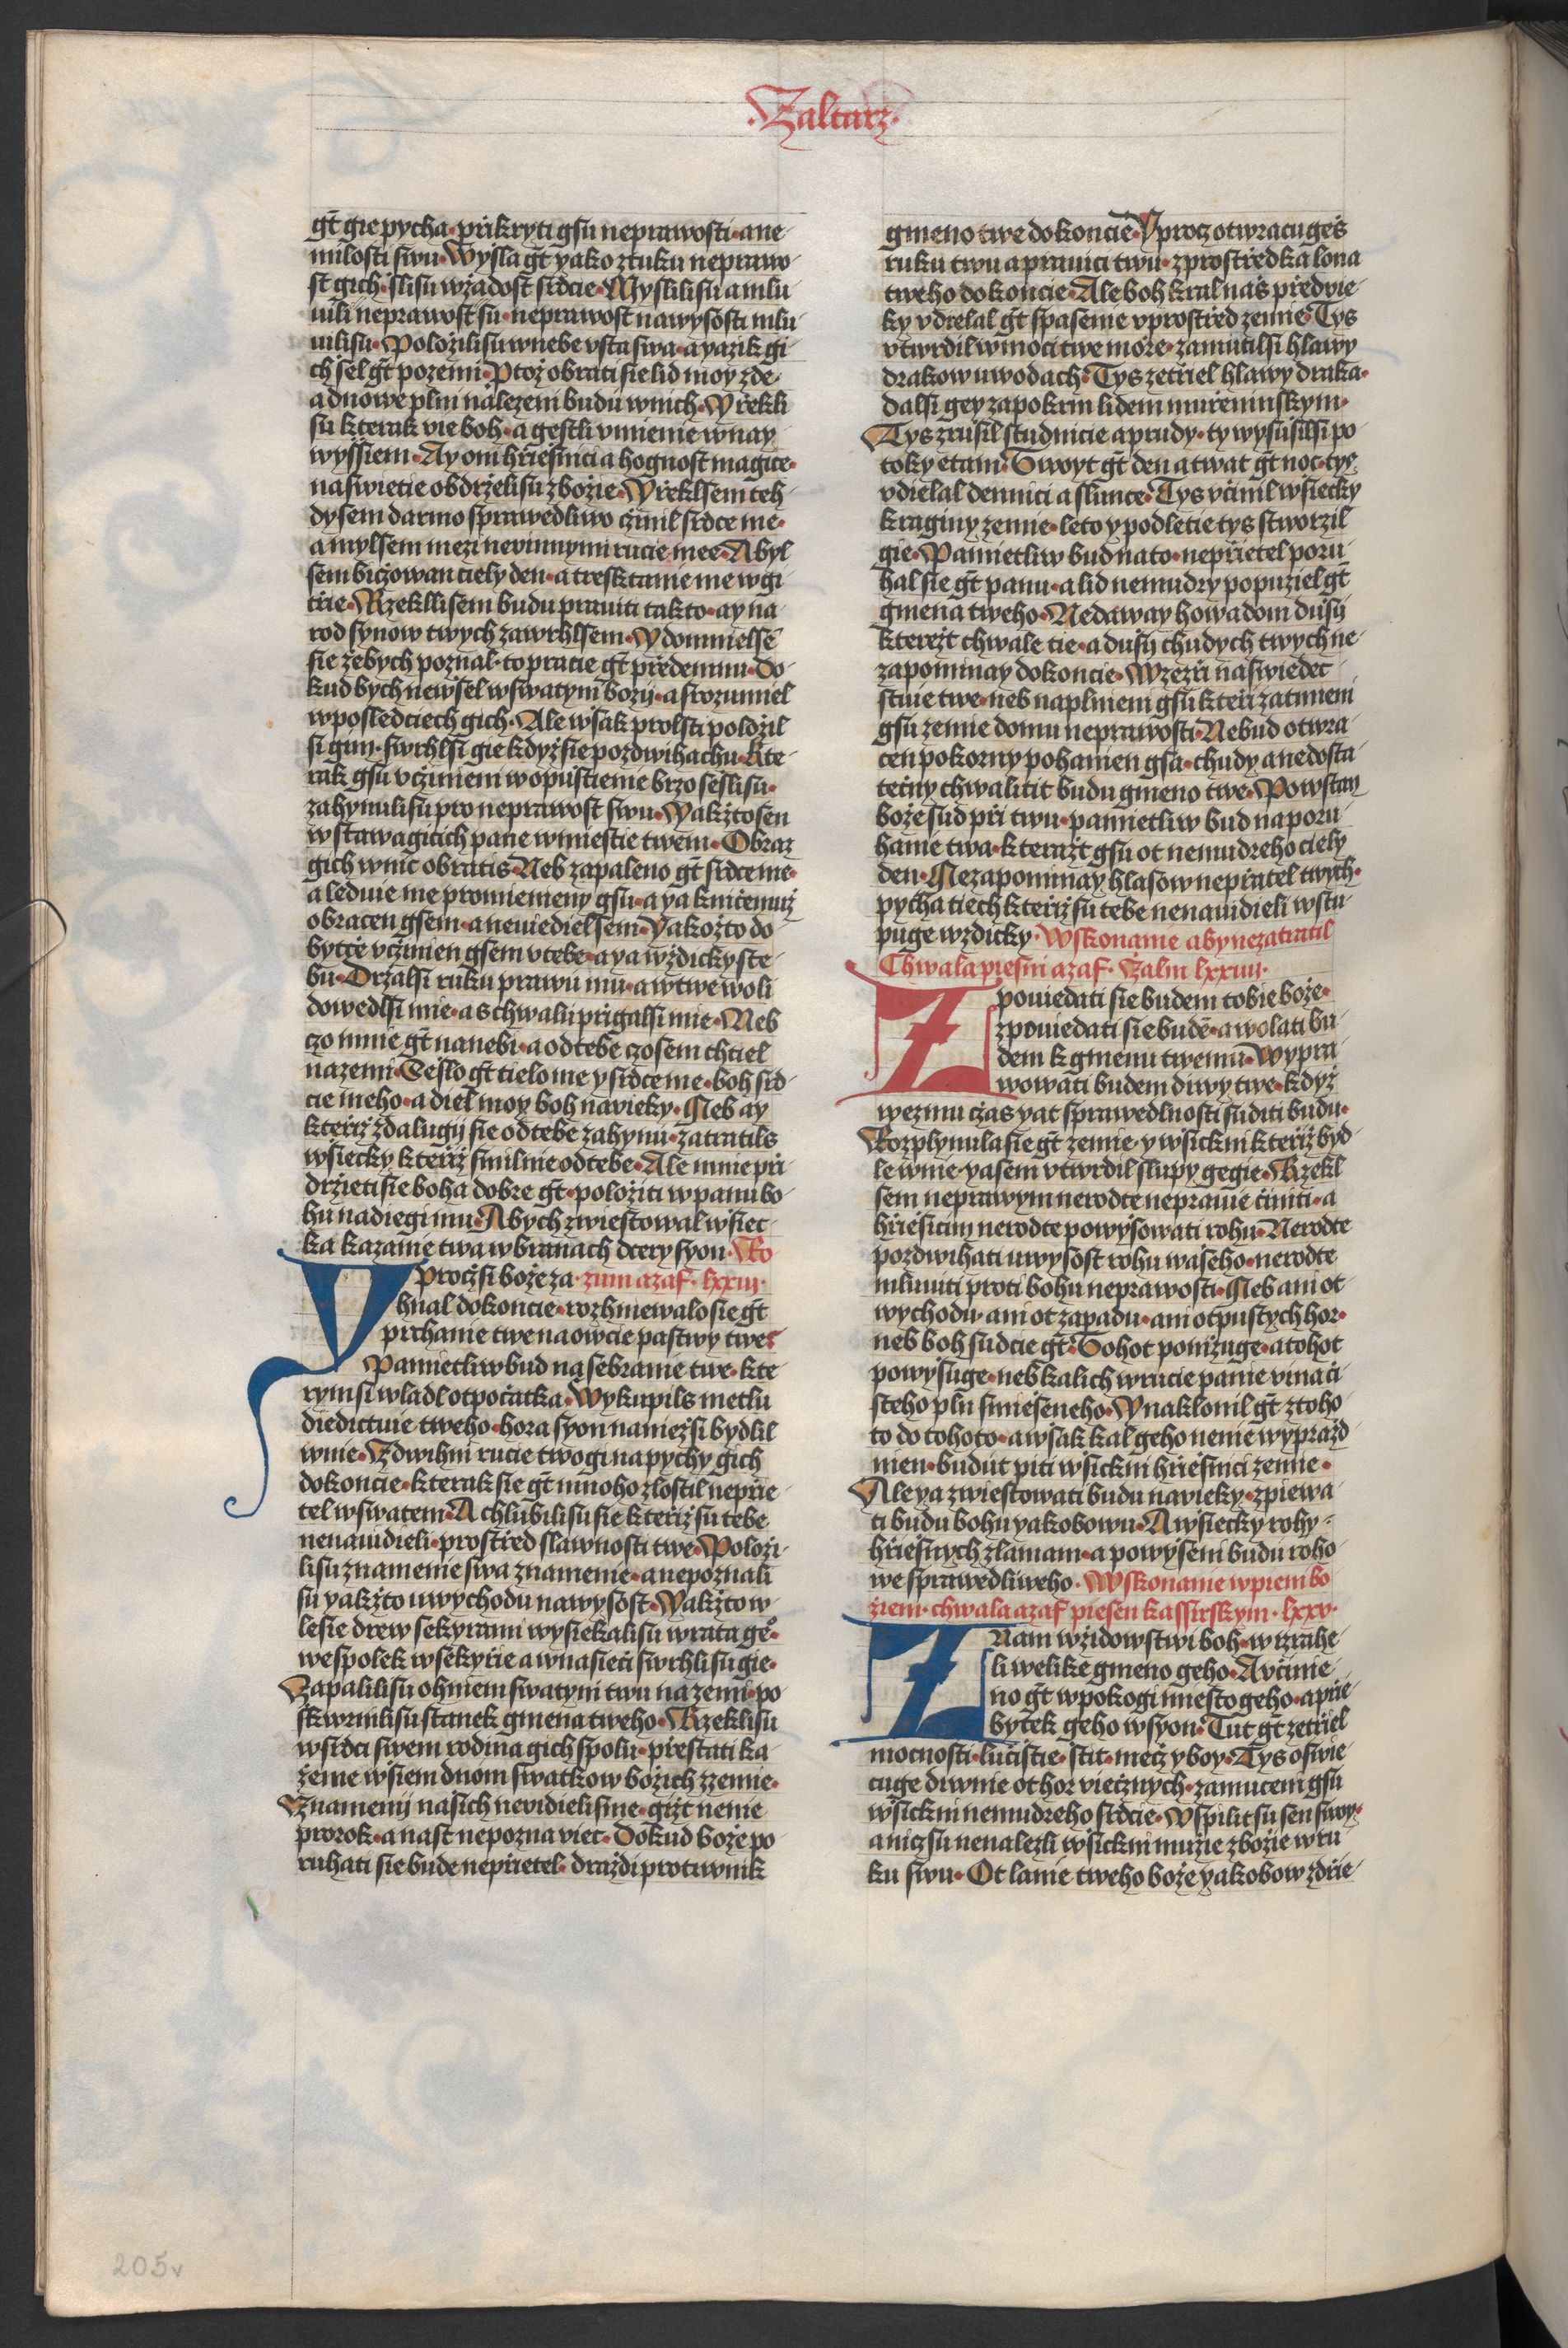ḡt gie pycha.pṙikryti gſu neprawoſti.ane¬
miloſti ſwu.Wyẛla ḡt yako ztuku neprawo¬
ſt gich.ẛliſu wżadoſt ſrdcie.Myſliliſu a mlu¬
uili neprawoſt ſu.nawyſoſti mlu¬
uiliſu.Polożiliſu wnebe vſta ſwa.a yazik gi¬
ch ẛel ḡt pozemi.Ꝓtoż obrati ſie lid moy zde
a dnowe plni nalezeni budú wnich.Y ṙekli¬
ſu kterak víe boh.a geſtli vmienie wnay
wyẛẛiem.Ay oni hṙieẛníci a hognoſt magice.
naſwietie obdrželiſu zbożie.Yṙeklſem teh¬
dyſem darmo ſprawedliwo cżinil ſrdce me.
a mylſem mezi nevinnymi rucie mee.A byl
ſem bicżowan ciely den.a treſktanie me wgi¬
tṙie.Rzeklliſem budu prauiti takto.ay na¬
rod ſynow twych zawrhlſem.Y domnielſē
ſie żebych poznal.to pracie ḡt pṙedemnu.Do¬
kud bych newẛel wſwatym bozij.a ſrozumiel
wpoſledciech gich.Ale wẛak prolſti polożil
ſi gim.ſwrhlſi gie kdyż ſie pozdwihachu.Kte¬
rak gſu vcżinieni wopuẛtienie brzo ſeẛli ſu.
zahynuliſu pro neprawoſt ſwu.Yakżtoſen
wſtawagicich pane wmieſtie twem.Obraz¬
gich wnic obratis.Neb zapaleno ḡt ſrdce me.
a leduie me promienieny gſu.a ya kniċemuż
obracen gſem.a neuiedielſem.Yakożto do¬
bytċe vcżinien gſem vtebe.a ya wżdicky ſte¬
bu.Drżalſi ruku prawu mu.a w twe woli
dowedlſi mie.a schwalu pṙigalſi mie.Neb
czo mnie ḡt nanebi.a odtebe czoſem chtiel
nezemi.Seẛlo ḡt tielo me y ſrdce me.boh ſrd¬
cie meho.a diel moy boh navieky.Neb ay
kteṙiż zdalugij ſie odtebe zahynu.zatratils
wẛiecky kteṙiż ſmilníe odtebe.Ale mnie pṙi¬
drżieti ſie boha dobre ḡt.polożiti w panu bo¬
hu nadiegi mu.Abych zwieſtowal wẛiec¬
ka kazanie twa wbranach dcery ſyon.Ro
Procżſi boże za.zum azaf.lxxiij.
hnal dokoncie.rozhniewalo ſie ḡt
prchanie twe na owcie paſtwy twe?
Pamietliwbud naſebranie twe.kte¬
rym ſi wladl otpoċatka.Wykupils metlu
diedictuie tweho.hora ſyon nanieżſi bydlil
wnie.Zdwihni rucie twogi na pychy gich
dokoncie.kterak ſie ḡt mnoho zloſtil nepṙie¬
tel wſwatem.A chlubiliſu ſie kteṙiż ſu tebe
nenauidieli.proſtṙed ſlawnoſti twe.Polożi¬
li ſu znamenie ſwa znamenie.anepoznali
ſu yakżto uwychodu nawyſoſt.Yakżto w¬
leſie drew ſekyrami wyſiekaliſu wrata geo.
weſpolek wſekyṙie a wnaſieċi ſwrhli ſu gie.
Zapaliliſu ohniem ſwatyni twu na zemi.po¬
kwrniliſu ſtanek gmena tweho.Rzekliſu
wſrdci ſwem rodina gich ſpolu.pṙeſtati ka¬
żeme wẛiem dnom ſwatkow bożích zzemie.
Znamienij naẛich nevidieli ſme.gíżt neníe
prorok.a naſt nepozna viet.Dokud boże po¬
ruhati ſie bude nepṙietel.drażdí protiwnik
.Zaltarz.
gmeno twe dokoncie.Y procz otwracugeṡ
ruku twu a pravici twu.zproſtṙedka lona
tweho dokoncie.Ale boh kral naṡ pṙedvie¬
ky vdielal ḡt ſpaſenie vproſtṙed zemie.Ty
vtwrdil wmoci twe moṙe.zamutilſi hlawy
drakow uwodach.Tys zetṙiel hlawy draka.
dalſi gey zapokrm lidem muṙeninſkym.
Tys zruẛil ſtudnicie a prudy.ty wyſuẛilſi po¬
toky etam.Twoyt ḡt den a twat ḡt noc.tys
vdielal dennici a ſlunce.Tys vċinil wẛiecky
kraginy zemie.leto y podletie tys ſtworzil
gie.Pamietliv bud nato.nepṙietel poru¬
hal ſie ḡt panu.a lid nemudry popuziel ḡt
gmena tweho.Nedaway howadom duẛij
ktereżt chwale tie.a duẛij chudych twych ne¬
zapominay dokoncie.Wzezṙi naſwiedec¬
ſtuíe twe.neb naplnieni gſu kteṙi zatmieni
gſu zemie domu neprawoſti.Nebud otwra¬
cen pokorny pohaníen gſa.chudy a nedoſta¬
teċny chwalitit budu gmeno twe.Powſtan
boże ſud pṙi twu.pamietliw bud naporu¬
hanie twa.kterażt gſu ot nemudreho ciely
den.Nezapominay hlaſow nepṙatel twych.
pycha tiech kteṙiż ſu tebe nenawidieli wſtu¬
puge wzdicky.Wſkonanie aby nezatratil
Chwala pieſní azaf.Żalm lxxiiij.
pouiedati ſie budem tobie boże.
zpouiedati ſie budē.a wolati bu¬
dem k gmenu twemu.Wypra¬
wowati budem diwy twe.kdyż
wezmu cżas yat ſprawedlnoſti ſuditi budu.
Rozplynula ſie ḡt zemie.y wẛickni kteṙiż byd¬
le wníe.yaſem vtwrdil ſlupy gegíe.Rzekl
ſem neprawym nerodte neprauíe ċiniti.a
hṙieẛicím nerodte powyẛowati rohu.Nerodte
pozdwihati u wyſoſt rohu waẛeho.nerodte
mluuiti proti bohu neprawoſti.Neb ani ot¬
wychodu.ani ot zapadu.ani otpuſtych hor.
neb boh ſudcie ḡt.Tohot poniżuge.a tohot
powyẛuge.neb kalich wrucie panie vína ċi¬
ſteho pln ſmieẛeneho.Ynaklonil ḡt ztoho¬
to do tohoto.awẛak kal geho neníe wyprażd¬
nien.budút piti wẛickni hṙieſníci zemie.
Ale ya zwieſtowati budu navieky.zpiewa¬
ti budu bohu yakobowu.A wẛiecky rohy
hṙieẛnych zlamam.a powyẛeni budú roho¬
we ſprawedliweho.Wſkonanie w pieni bo¬
żiem.chwala azaf pieſen kaſſirſkym.lxxv.
Nam wżidowſtwi boh.w izrahe¬
li welike gmeno geho.A vċinie¬
no ḡt wpokogi mieſto geho.a pṙe¬
bytek geho wſyon.Tut ḡt zetṙiel
mocnoſti.luċiſtie.ẛtit.mecż y boy.Tys oſwie¬
cuge diwnie ot hor viecżnych.zamuceni gſu
wẛickni nemudreho ſrdcie.Vſpilit ſu ſen ſwoy.
a niczſu nenalezli vẛickni mużie zbożie wru¬
ku ſwu.Ot lanie tweho boże yakobow zdṙíe¬